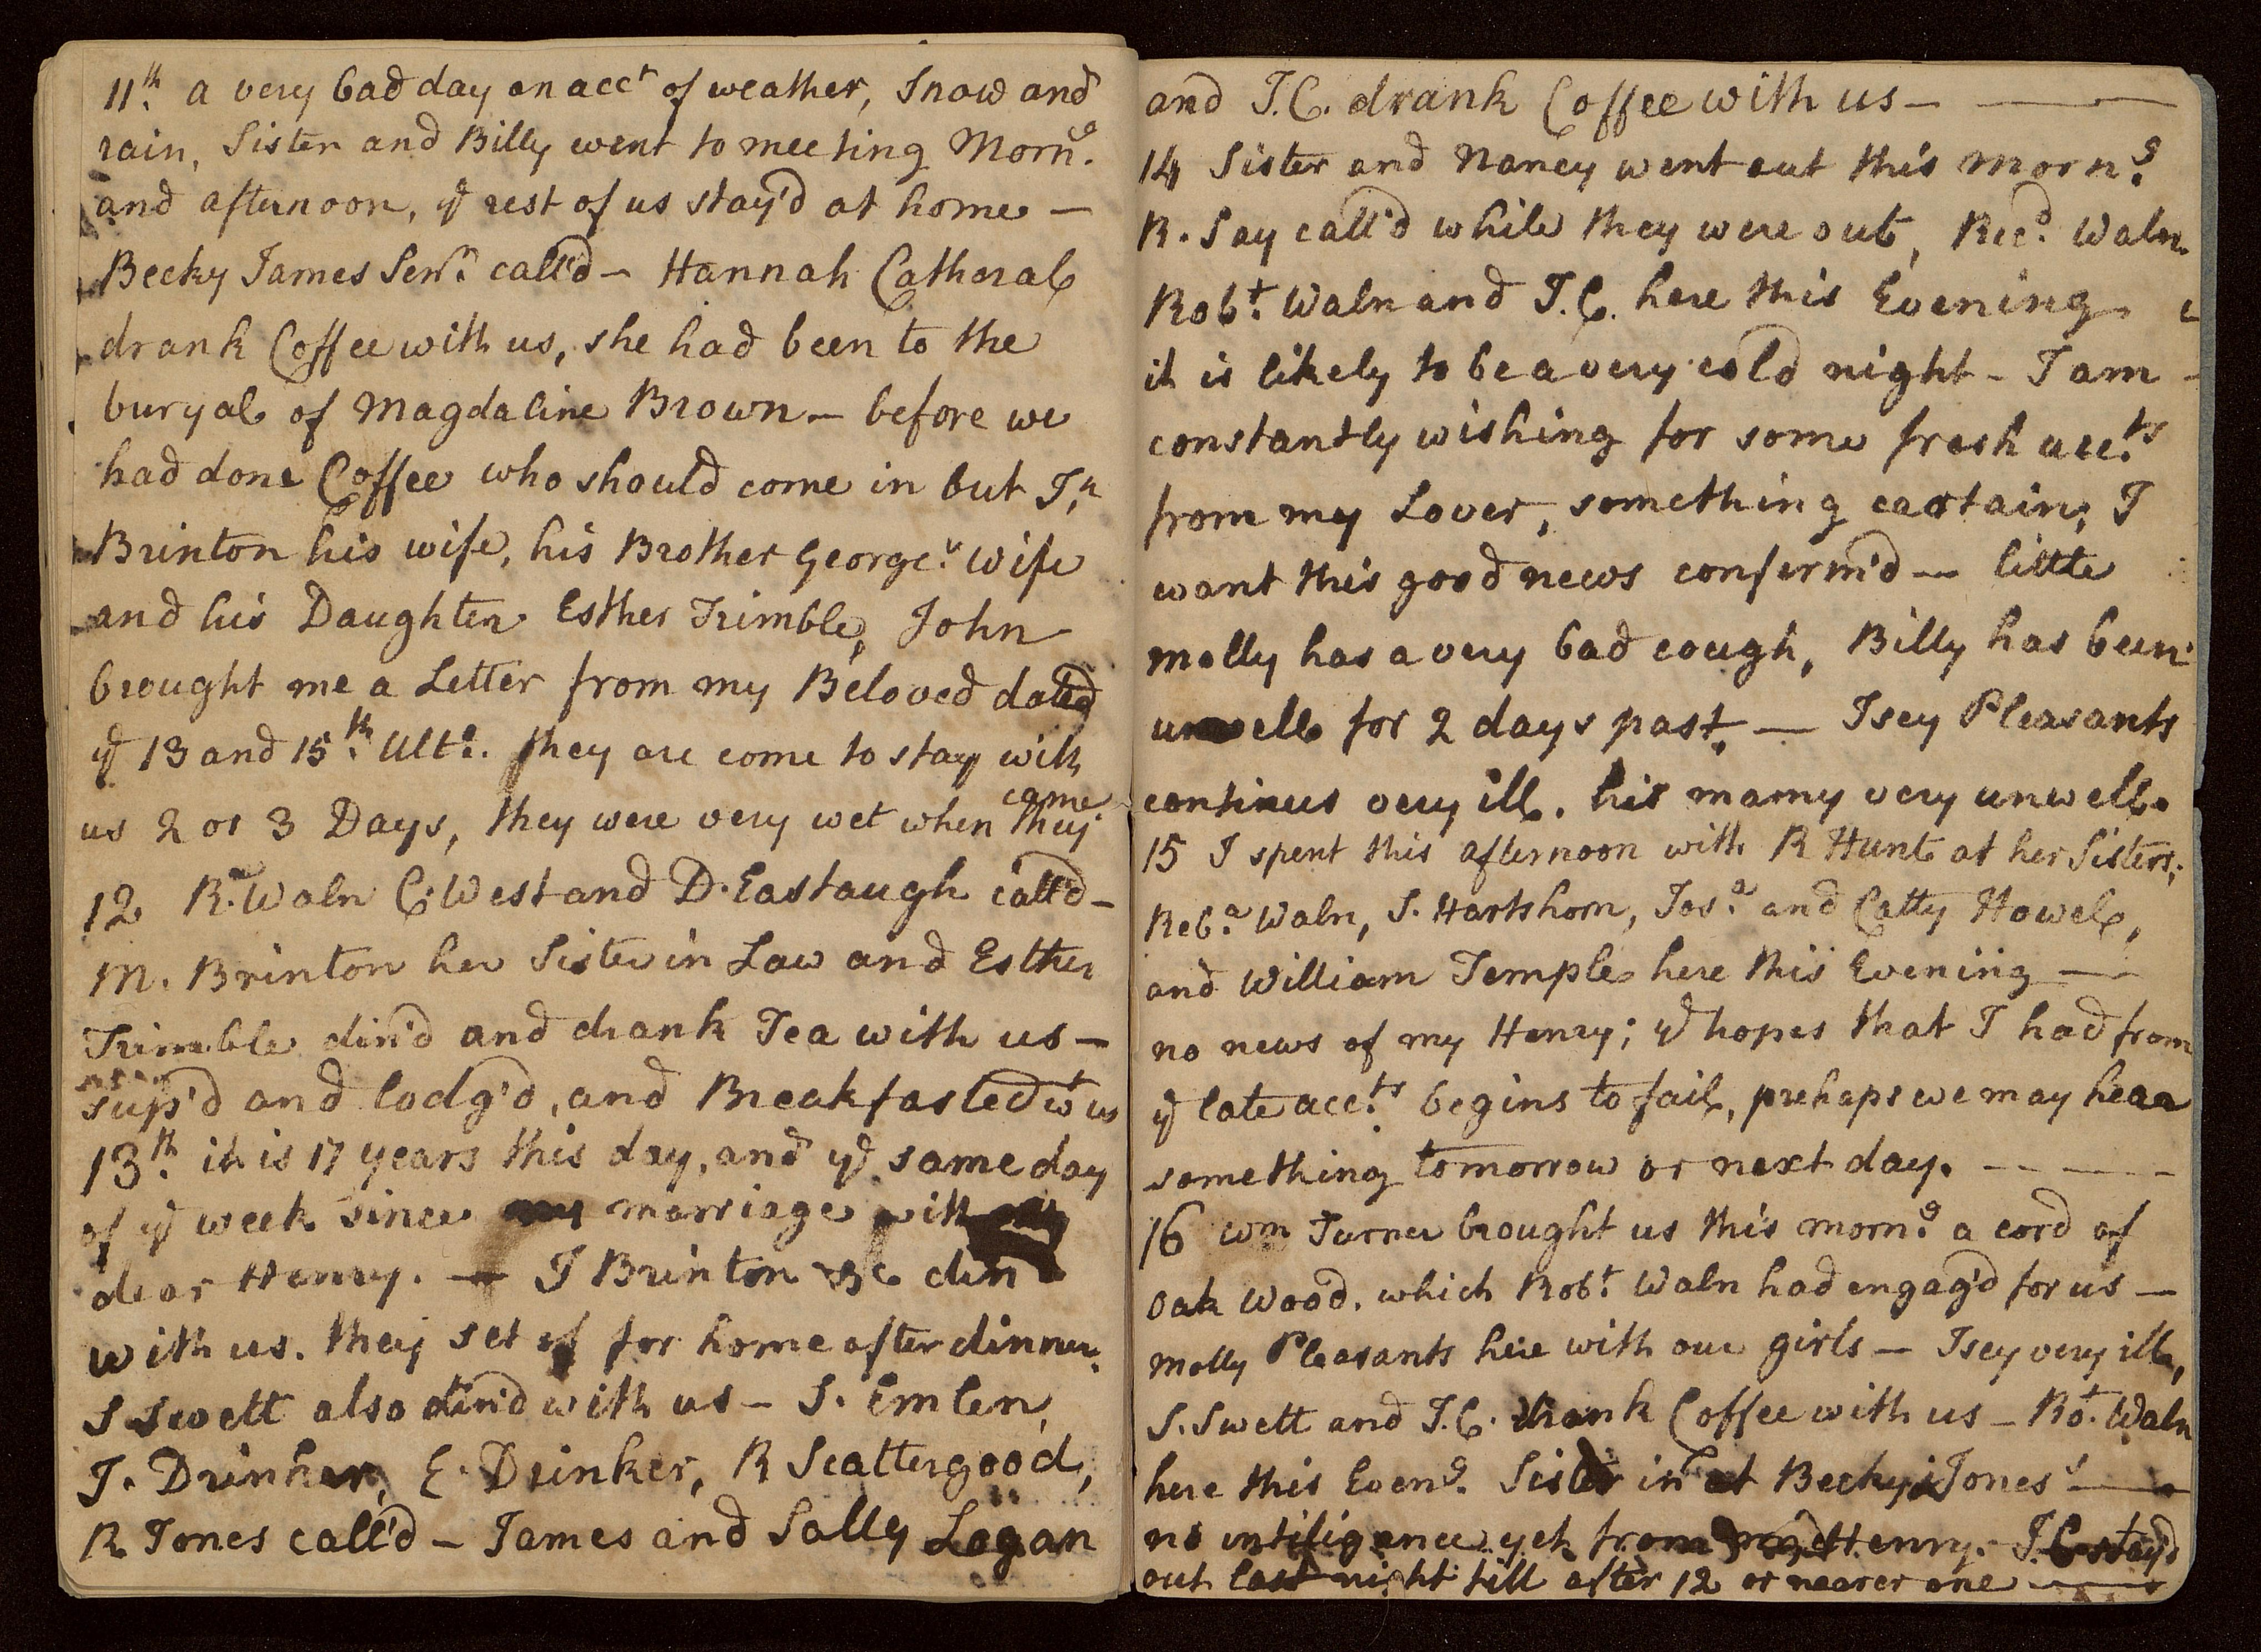11^th. a very bad day on acc^t of weather, snow and
rain, Sister and Billy went to meeting Morn^g.
and afternoon, y^e rest of us stay'd at home-
Becky James Sen^r. call'd- Hannah Catheral
drank Coffee with us, she had been to the
buryal of Magdaline Brown- before we
had done Coffee who should come in but S^n.
Brinton his wife, his Brother George^s. Wife
and his Daughter Esther Trimble, John-
brought me a Letter from my Beloved dated
y^e 13 and 15^th. Ult^o. they are come to stay with
us 2 or 3 Days, they were very wet when they
came.
12 R^a. Waln C. West and D. Eastaugh call'd-
M. Brinton her Sister in Law and Esther
Trimble din'd and drank Tea with us-
sup'd and lodg'd, and Breakfasted w^t us
13^th. it is 17 years this day, and y^e same day
of y^e week since my marriage with [___]
dear Henry. - J Brinton &c din
with us. they set of for home after dinner.
S Swett also din'd with us- S. Emlen,
I. Drinker, E. Drinker, R Scattergood,
R Jones call'd- James and Sally Logan
and I.C. drank Coffee with us-
14 Sister and Nancy went out this morn^g.
R. Say call'd while they were out, Ric^d. Waln,
Rob^t. Waln and I.C. here this Evening
it is likely to be a very cold night- I am-
constantly wishing for some fresh acc^ts.
from my Lover, something certain, I
want this good news confirm'd- little
Molly has a very bad cough, Billy has been
unwell for 2 days past- Jsey Pleasants
continues very ill. his mamy very unwell.
15 I spent this afternoon with R Hunt at her Sisters;
Reb^a. Waln, S. Hartshorn, Jos^a. and Catty Howel,
and William Temple here this Evening-
no news of my Henry; y^e hopes that I had from
y^e late acc^ts. begins to fail, prehaps we may hear
something tomorrow or next day.-
16 W^m Turner brought us this morn^g. a cord of
Oak Wood, which Rob^t. Waln had engag'd for us-
Molly Pleasants here with our girls- Jsey very ill,
S. Swett and I.C. drank Coffee with us- Ro^t. Waln
here this Even^g. Sister in [at] Becky Jones^s-
no intiligence yet from [____] Henry. I.C. stay'd
out last night till after 12 at nearer one-